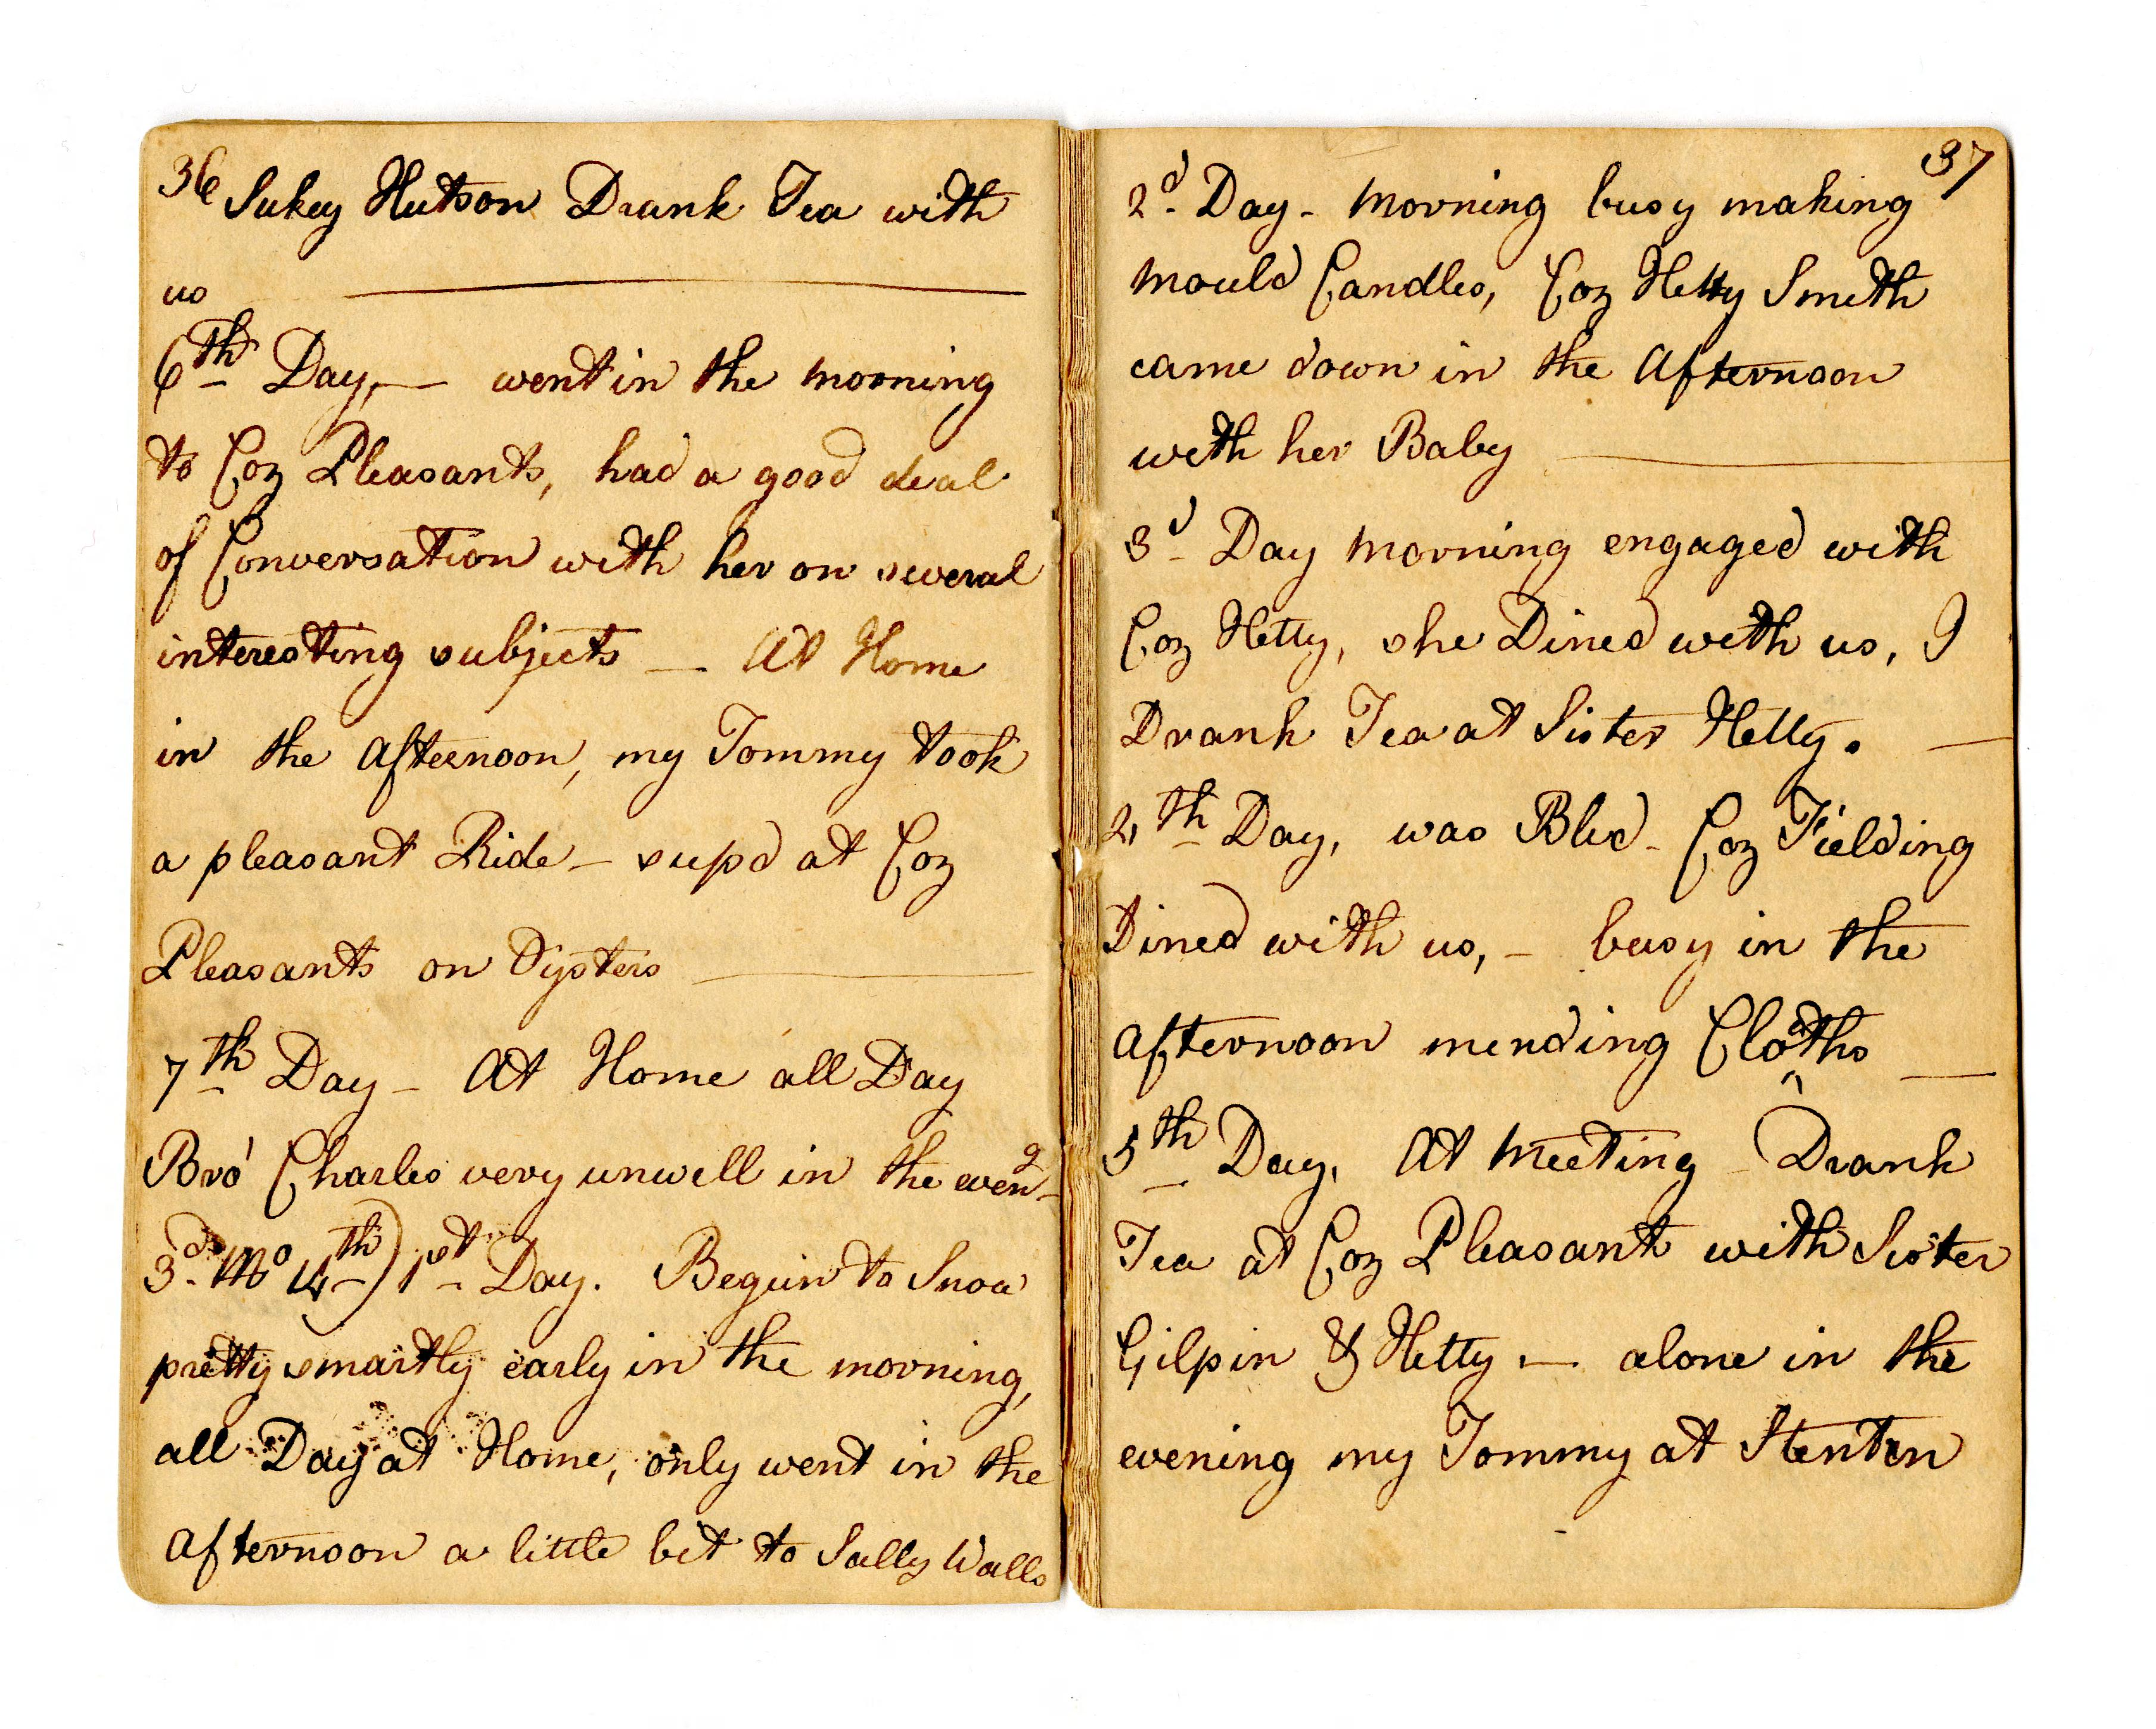36
Sukey Hutson Drank Tea with
us
6^th Day- went in the morning
to Coz Pleasants, had a good deal
of Conversation with her on several
interesting subjects- At Home
in the Afternoon, my Tommy took
a pleasant Ride- supd at Coz
Pleasants on Oysters
7^th Day- At Home all Day
Bro' Charles very unwell in the even^g
3^d M^o 14^th) 1^st Day. Begun to Snow
pretty smartly early in the morning,
all Day at Home, only went in the
Afternoon a little bit to Sally Walls
37
2^d Day- morning busy making
mould Candles, Coz Hetty Smith
came down in the Afternoon
weth her Baby-
3^d Day morning engaged with
Coy Hetty, she Dined with us, I
Drank Tea at Sister Hettys
4^th Day, was Bled. Coz Fielding
Dined with us,- busy in the
Afternoon mending Clo^aths
5^th Day At Meeting- Drank
Tea at Coz Pleasants with Sister
Gilpin & Hetty- alone in the
evening my Tommy at Stenton